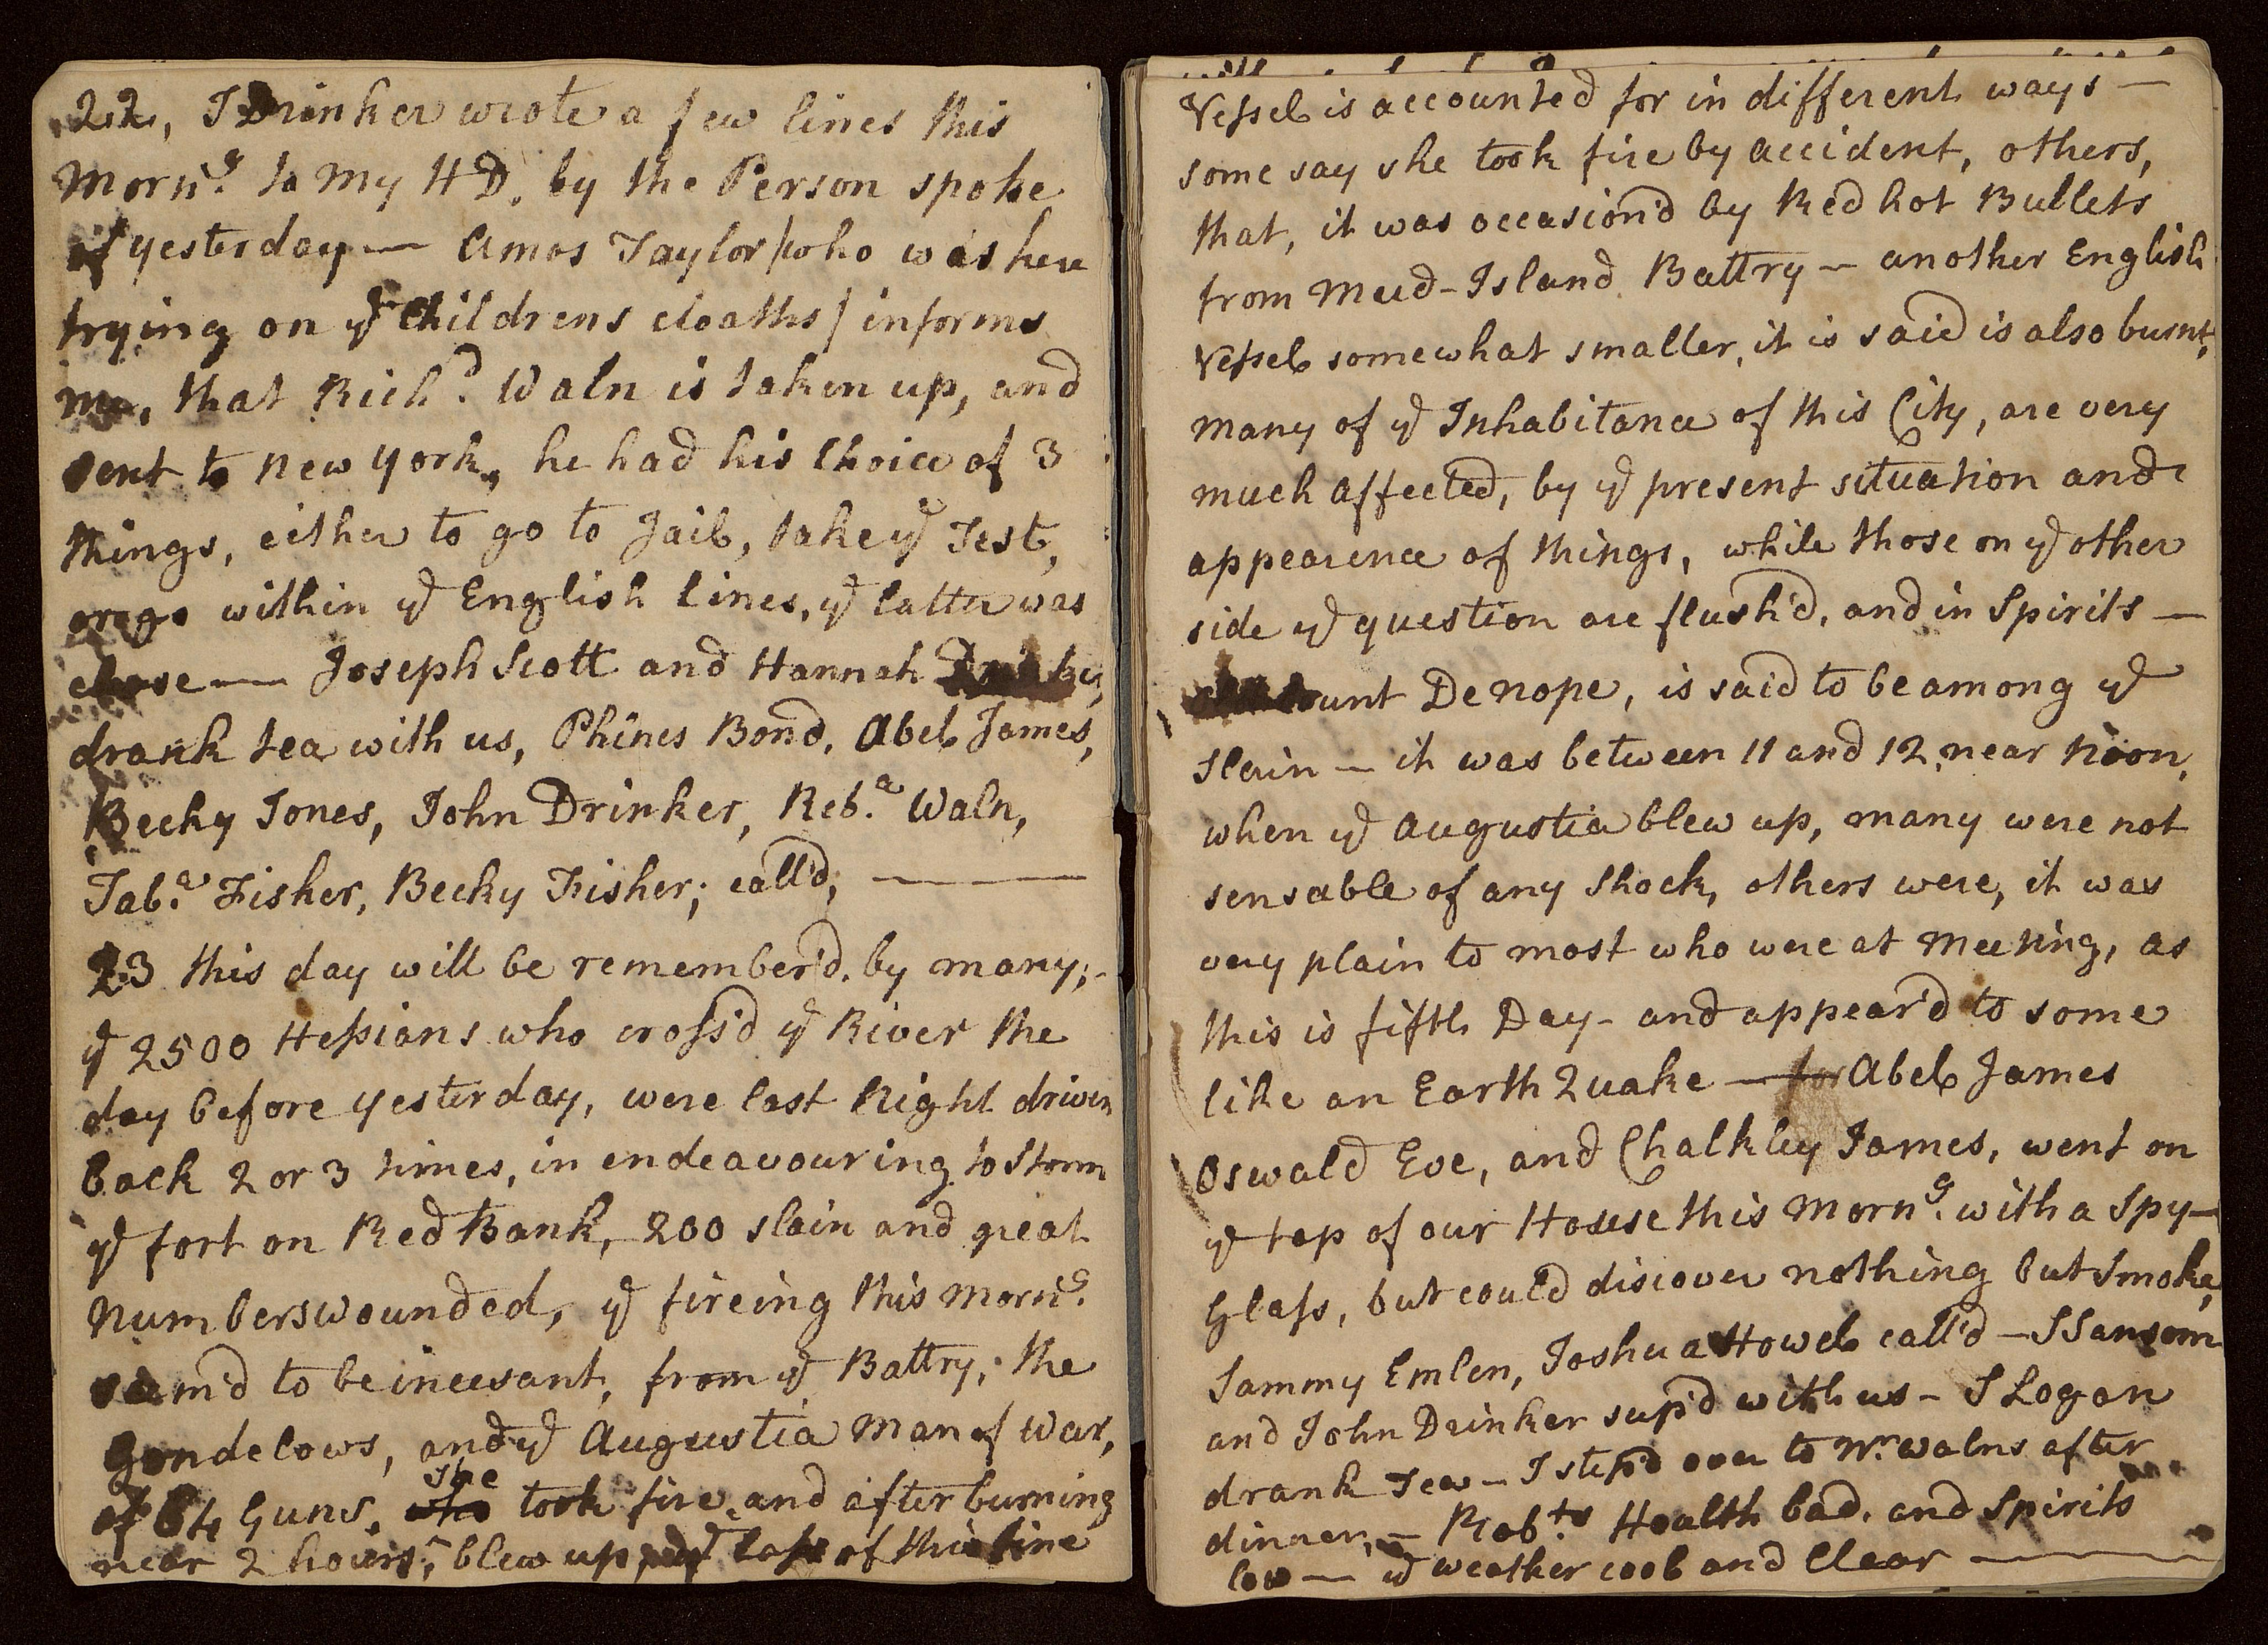22, I Drinker wrote a few lines this
morn^g. To my HD, by the Person spoke
of yesterday- Amos Taylor /who was here
trying on y^e Childrens cloaths/ informs
[me], that Rich^d. Waln is taken up, and
sent to New York, he had his Choice of 3
things, either to go to Jail, take y^e Test,
[or go] within y^e English lines, y^e latter was
[chose] - Joseph Scott and Hannah Drinker
drank tea with us, Phines Bond, Abel James,
Becky Jones, John Drinker, Reb^a. Waln,
Sal^a. Fisher, Becky Fisher; call'd,-
23 this day will be remember'd, by many;-
y^e 2500 Hessians who cross'd y^e River the
day before yesterday, were last Night drivin
back 2or 3 times, in endeavouring to Storm
y^e fort on Red Bank, 200 slain and great
Numbers wounded, y^e fireing this Morn^g.
seem'd to be incesant, from y^e Battry; the
Gondelows, and y^e Augustia Man of War,
she
of 64 Guns, [who] ^ took fire, and after burning
near 2 hours, blew up y^e last of this fine
Vessel, is accounted for in different ways-
some say she took fire by accident, others,
that, it was occasion'd by Red hot Bullets
from Meed-Island Battry- another English
Vessel some what smaller, it is said is also burnt,
many of y^e Inhabitance of this City, are very
much affected, by y^e present situation and
appearence of things, while those on y^e other
side y^e question are flush'd, and in Spirits-
[___] Count Denope, is said to be among y^e
slain- it was between 11 and 12, near Noon,
when y^e Augustia blew up, many were not
sensable of any shock, others were, it was
very plain to most who were at Meeting, as
this is fifth Day- and appear'd to some
like an Earth Quake- Abel James
Oswald Eve, and Chalkley James, went on
y^e top of our House this Morn^g. with a Spy-
Glass, but could discover nothing but Smoke,
Sammy Emlen, Joshua Howel call'd- S Sansom
and John Drinker sup'd with us- S Logan
drank Tea - I step'd over to W^m. Walns after
dinner, - Rob^t. Health bad, and Spirits
low- y^e weather cool and clear